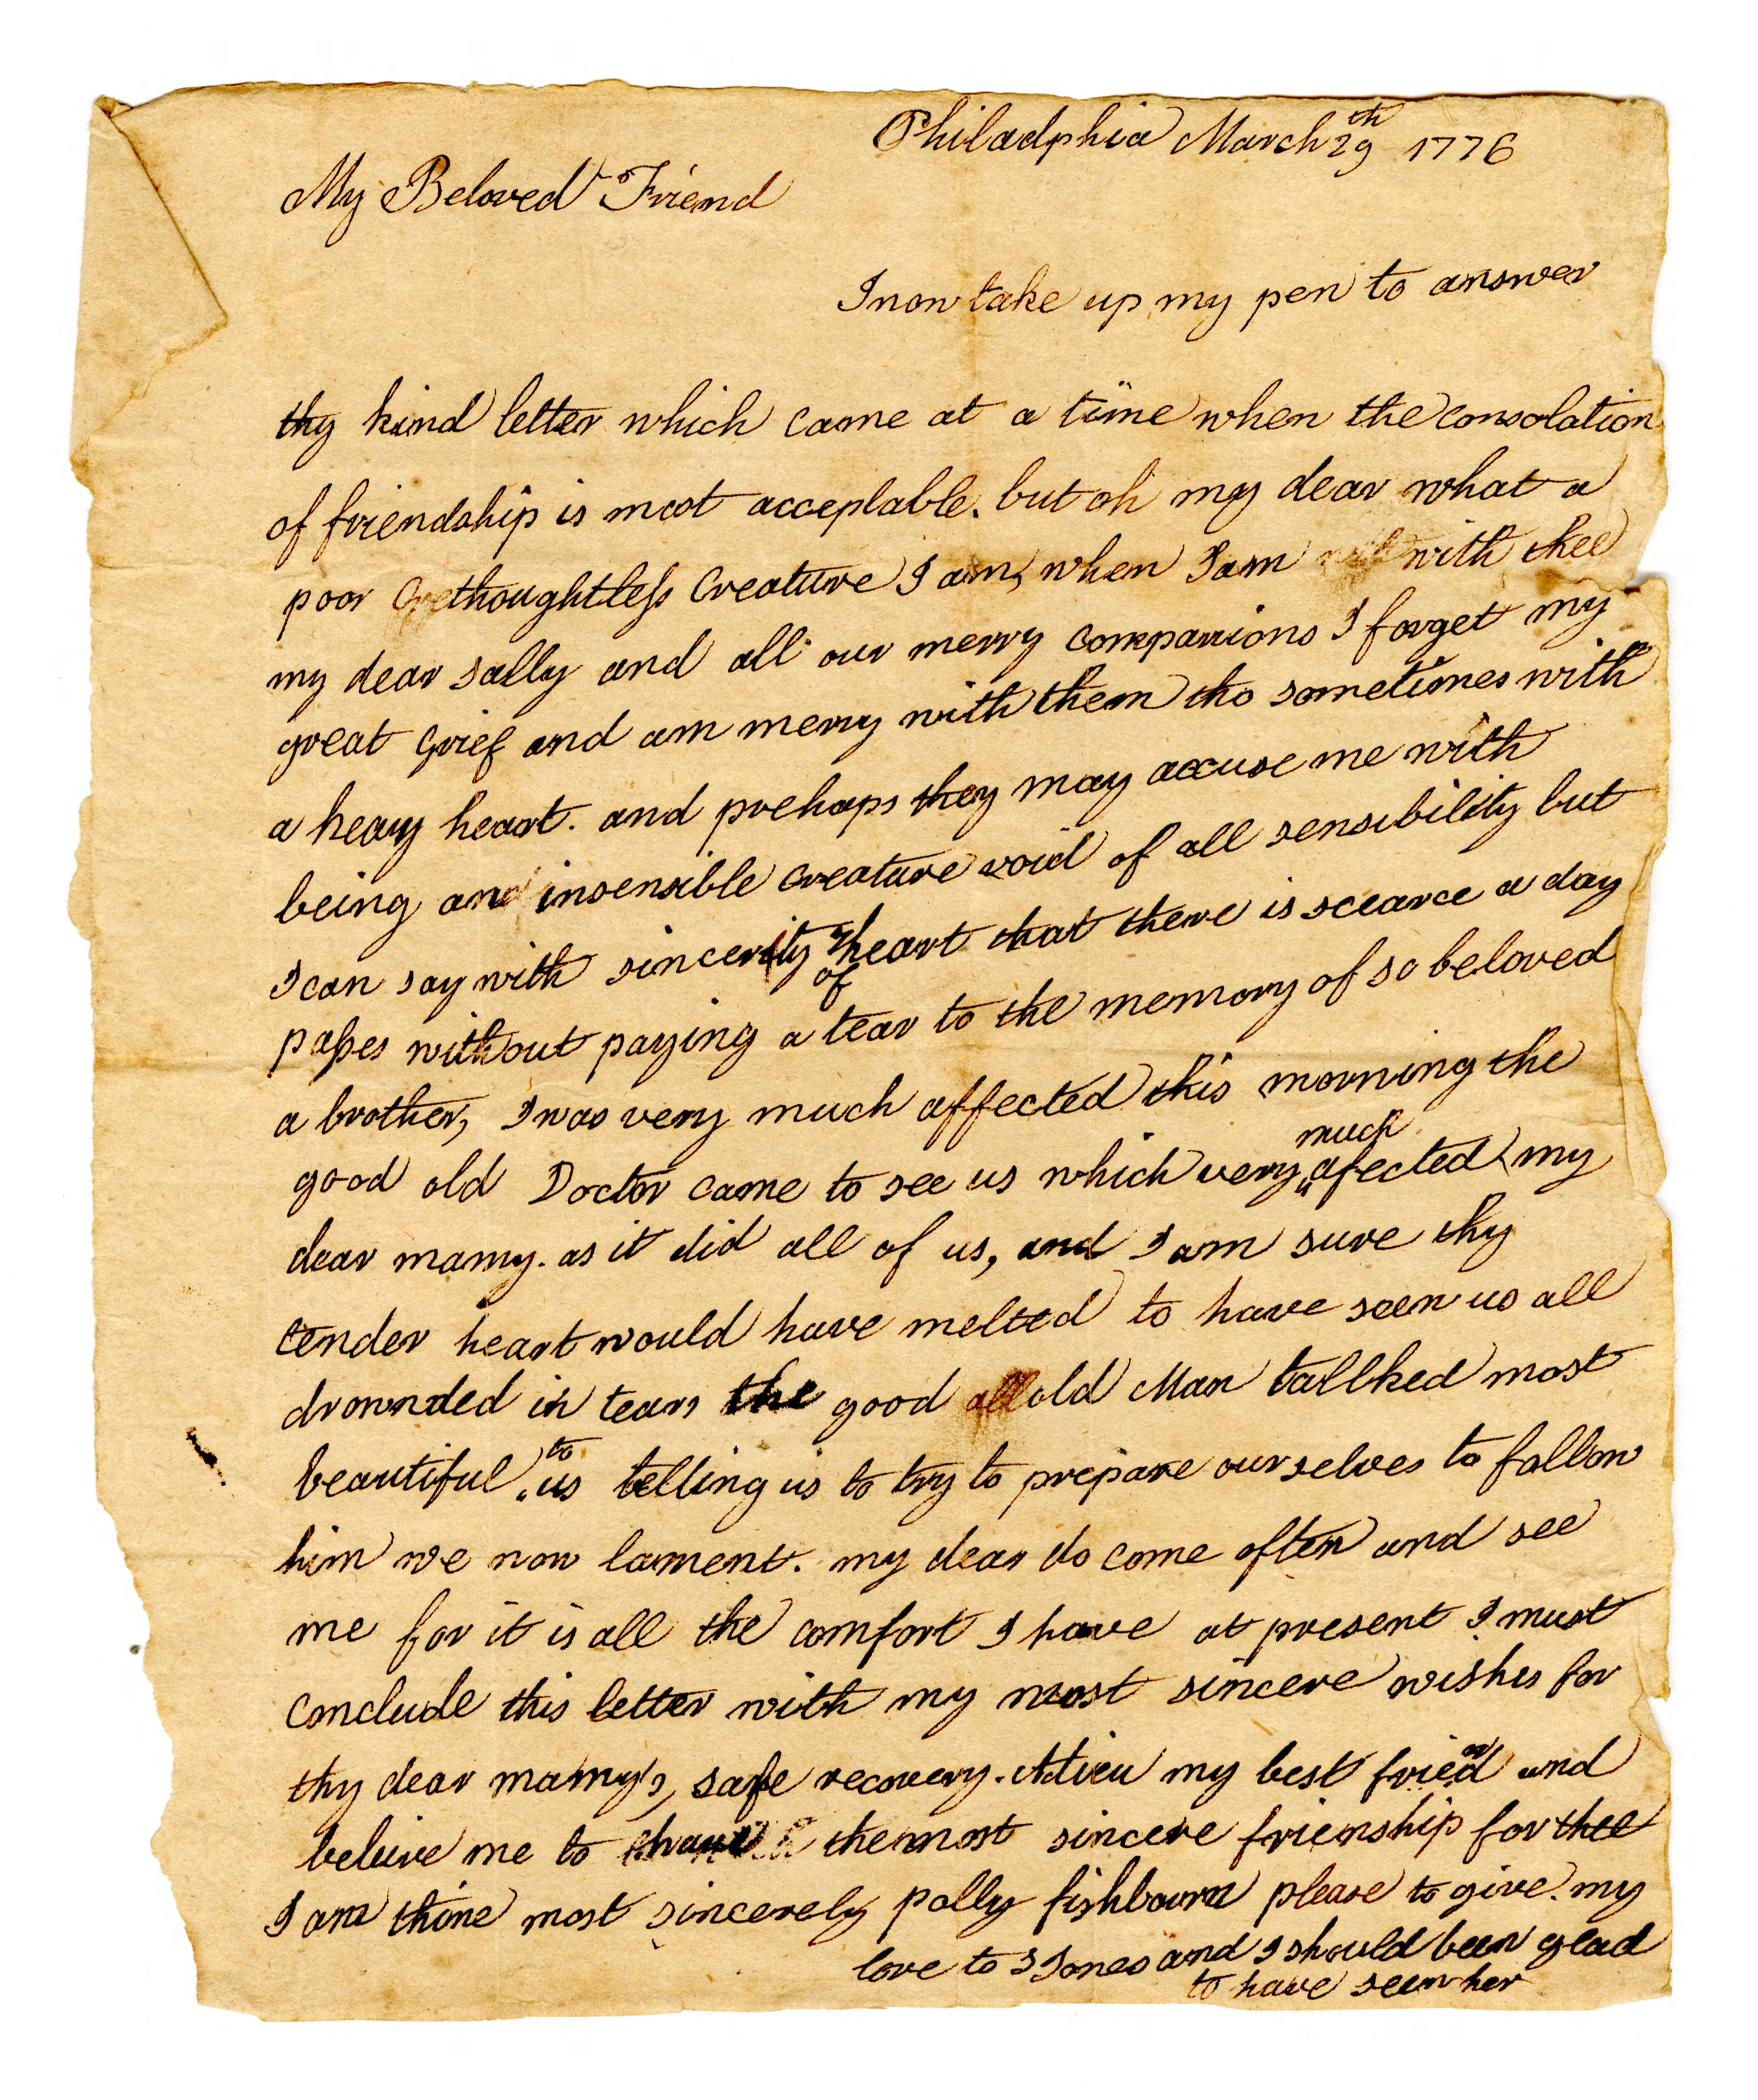Philadelphia March 29^th 1776
My Beloved Friend
I now take up my pen to answer
thy kind letter which came at a time where the consolation
of friendship is most acceptable, but oh my dear what a
poor thoughtless creature I am, when I am with thee
my dear Sally and all our merry companions I forget my
great Grief and am merry with them tho sometimes with
a heavy heart and prehaps they may excuse me with
being an insensible creature void of all sensibility but
of
I can say with sincerity ^ heart that there is scarce a day
passes without paying a tear to the memory of so beloved
a brother, I was very much affected this morning the
much
good old Doctor came to see us which very ^ afected my
dear mamy as it did all of us, and I am sure thy
tender heart would have melted to have seen us all
drownded in tears the good [all] old man talked most
to
beautiful ^ us telling us to try to prepare ourselves to follow
him we now lament. my dear do come often and see
me for it is all the comfort I have at present I must
conclude this letter with my most sincere wishes for
thy dear mamys safe recovery. Adieu my best frie^nd and
believe me to show the most sincere friendship for thee
I am thine most sincerely polly fishbourne please to give my
love to S Jones and I should been glad
to have seen her